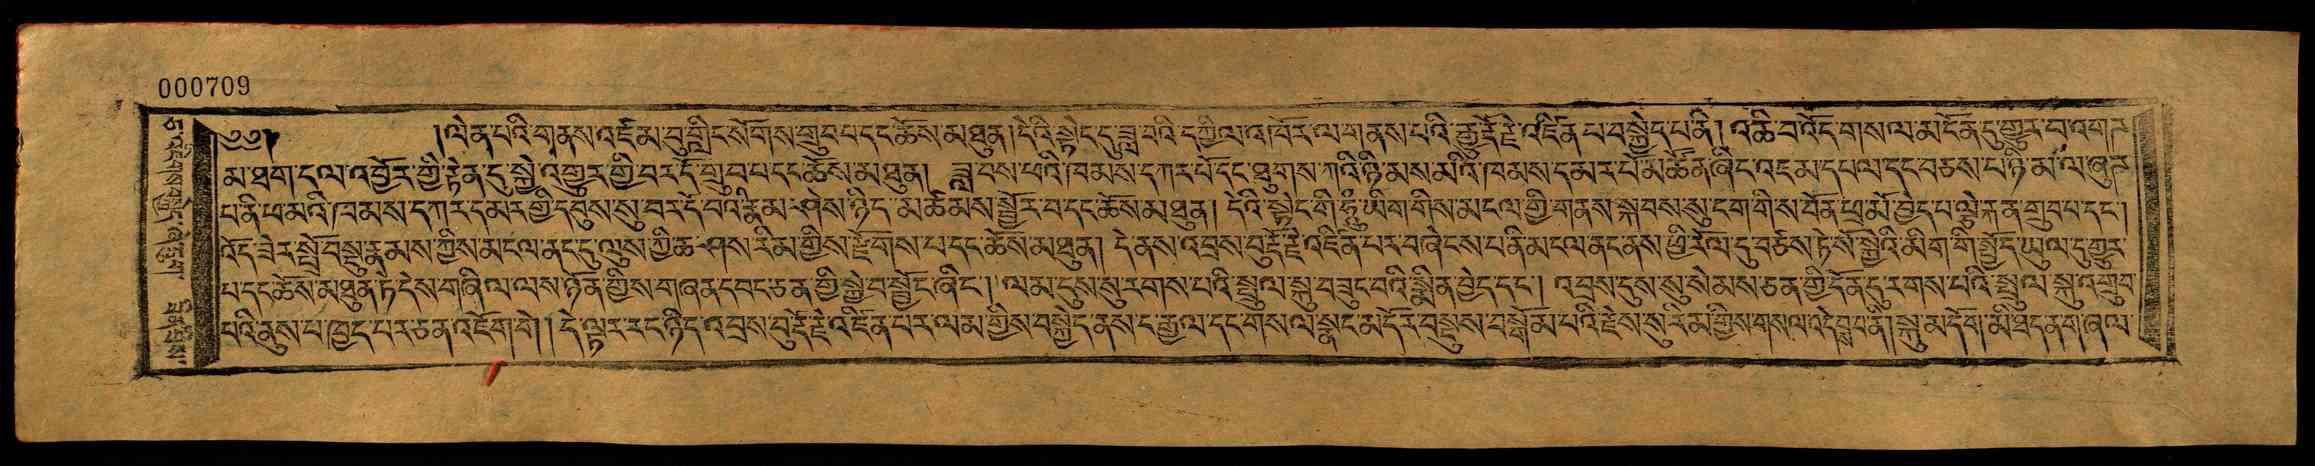༄༅། །ལེན་པའི་གནས་འཛམ་བུ་གླིང་སོགས་གྲུབ་པ་དང་ཆོས་མཐུན། དེའི་སྟེང་དུ་ཟླ་བའི་དཀྱིལ་འཁོར་ལ་གནས་པའི་རྒྱུ་རྡོ་རྗེ་འཛིན་པ་བསྐྱེད་པ་ནི། འཆི་བ་འོད་གསལ་མངོན་དུ་གྱུར་པ་འགཌ་
མ་ཐག་དལ་འབྱོར་གྱི་རྟེན་དུ་སྐྱེ་འགྱུར་གྱི་བར་དོ་གྲུབ་པ་དང་ཆོས་མཐུན། ཟླ་བས་ཕའི་ཁམས་དཀར་པོ་དང་ཐུགས་ཀའི་ཉི་མས་མའི་ཁམས་དམར་པོ་མཚོན་ཞིང་འཇམ་དཔལ་དང་བཅས་པ་ཉི་མ་ལ་ཞུགས་
པ་ནི་ཕ་མའི་ཁམས་དཀར་དམར་གྱི་དབུས་སུ་བར་དོ་བའི་རྣམ་ཤེས་ཉེར་མཚམས་སྦྱོར་བ་དང་ཆོས་མཐུན། དེའི་སྟེང་གི་ཧཱུཾ་ཡིག་གིས་མངལ་གྱི་གནས་སྐབས་སུ་ངག་གི་ས་བོན་ཕྲ་མོ་བྱེད་པ་ལྕེ་རྐན་གྲུབ་པ་དང་།
འོད་ཟེར་སྤྲོ་བསྡུ་རྣམས་ཀྱིས་མངལ་ནང་དུ་ལུས་ཀྱི་ཆ་ཤས་རིམ་གྱིས་རྫོགས་པ་དང་ཆོས་མཐུན། དེ་ནས་འབྲས་བུ་རྡོ་རྗེ་འཛིན་པར་བཞེངས་པ་ནི་མངལ་ནང་ནས་ཕྱི་རོལ་དུ་བཙས་ཏེ་སོ་སྐྱེའི་མིག་གི་སྤྱོད་ཡུལ་དུ་གྱུར་
པ་དང་ཆོས་མཐུན་ཏེ་དེས་གཞི་ལ་ལས་ཉོན་གྱིས་གཞན་དབང་ཅན་གྱི་སྐྱེ་བ་སྦྱོང་ཞིང་། ལམ་དུས་སུ་རགས་པའི་སྤྲུལ་སྐུ་བཟུང་བའི་སྨིན་བྱེད་དང་། འབྲས་དུས་སུ་སེམས་ཅན་གྱི་དོན་དུ་རགས་པའི་སྤྲུལ་སྐུ་འགྲུབ་
པའི་ནུས་པ་ཁྱད་པར་ཅན་འཇོག་གོ །དེ་ལྟར་རང་ཉིད་འབྲས་བུ་རྡོ་རྗེ་འཛིན་པར་ལམ་གྱིས་བསྐྱེད་ནས་ང་རྒྱལ་དང་གསལ་སྣང་མདོར་བསྡུས་བསྒོམ་པའི་རྗེས་སུ་རིམ་གྱིས་གསལ་འདེབས་པ་ན། སྐུ་མདོག་མཐིང་ནག་ཞལ་